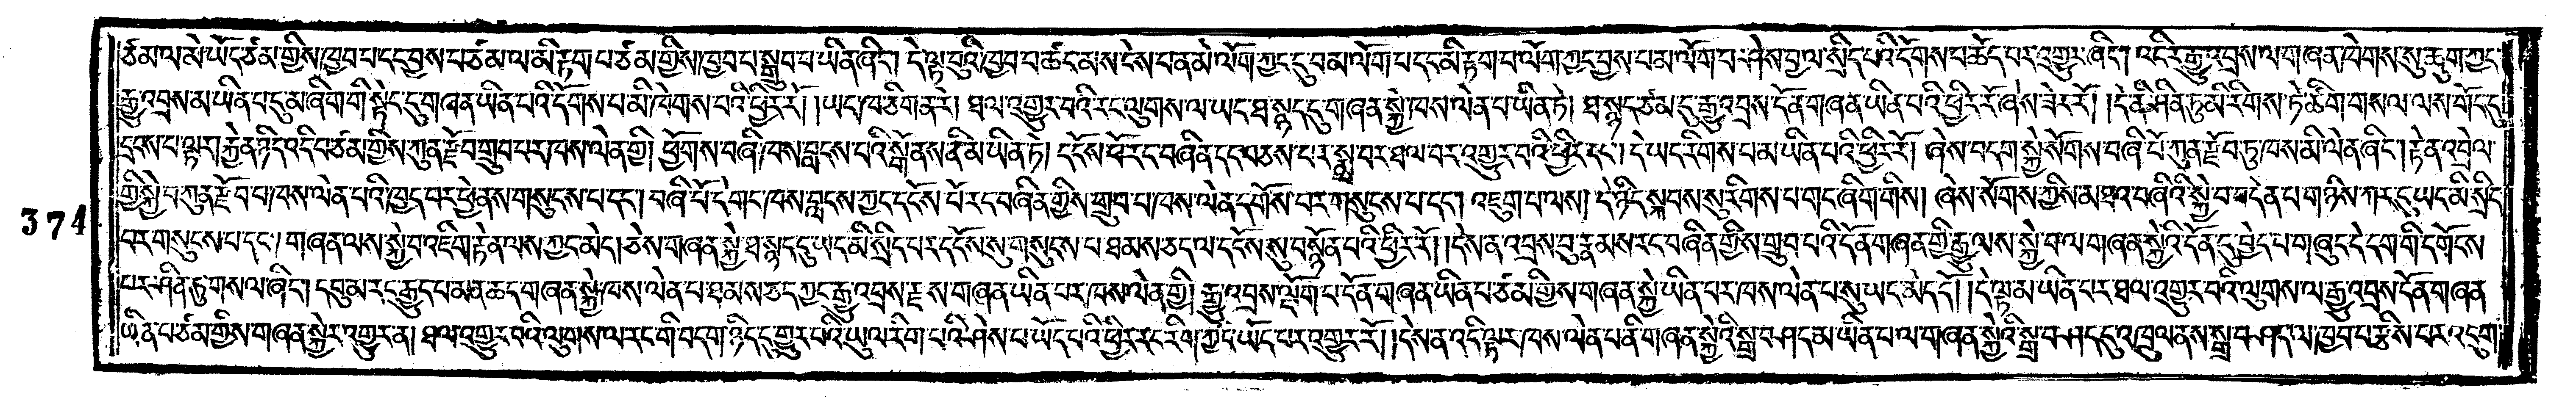ཙམ་ལ་མེ་ཡོད་ཙམ་གྱིས་ཁྱབ་པ་དང་བྱས་པ་ཙམ་ལ་མི་རྟག་པ་ཙམ་གྱིས་ཁྱབ་བསྒྲུབ་པ་ཡིན་ཞིང་། དེ་ལྟ་བུའི་ཁྱབ་པ་ཚང་མས་ངེས་པ་ན་མེ་ལོག་ཀྱང་དུ་བམ་ལོག་པ་དང་མི་རྟག་པ་ལོག་ཀྱང་བྱས་པ་མ་ལོག་བ་ཤེས་བྱ་ལ་སྲིད་པའི་དོགས་བ་ཚེད་བར་འགྱུར་ཞིང་། འདིར་རྒྱུ་འབྲས་ལ་གཞན་ཁེགས་སུ་ཆུག་ཀྱང་
རྒྱུ་འབྲས་མ་ཡིན་པ་དུ་མ་ཞིག་གི་སྟེང་དུ་གཞན་ཡིན་པའི་དོགས་པ་མི་ཁེགས་པའི་ཕྱིར་རོ། །ཡང་ཁ་ཅིག་ན་རེ། ཐལ་འགྱུར་བའི་རང་ལུགས་ལ་ཡང་ཐ་སྙད་དུ་གཞན་སྐྱེ་ཁས་ལེན་བ་ཡིན་ཏེ། ཐ་སྙད་ཙམ་དུ་རྒྱུ་འབྲས་དོན་གཞན་ཡིན་པའི་ཕྱིར་རོ་ཞེས་ཟེར་རོ། །དེ་ནི་ཤིན་ཏུ་མི་རིགས་ཏེ་ཚིག་གསལ་ལས་གོང་དུ་
དྲངས་པ་ལྟར། རྐྱེན་ཉིད་འདི་བ་ཙམ་གྱིས་ཀུན་རྫོབ་གྲུབ་པར་ཁས་ལེན་གྱི། ཕྱོགས་བཞི་ཁས་བླངས་བའི་སྒོ་ནས་ནི་མ་ཡིན་ཏེ། དངོས་པོ་རང་བཞིན་དང་བཅས་པར་སྨྲ་བར་ཐལ་བར་འགྱུར་བའི་ཕྱིར་དང་། དེ་ཡང་རིགས་པ་མ་ཡིན་པའི་ཕྱིར་རོ། ཞེས་བདག་སྐྱེ་སོགས་བཞི་པོ་ཀུན་རྫོབ་ཏུ་ཁས་མི་ལེན་ཞིང་། རྟེན་འབྲེལ་
གྱི་སྐྱེ་བ་ཀུན་རྫོབ་པ་ཁས་ལེན་བའི་ཁྱད་པར་ཕྱེ་ནས་གསུངས་པ་དང་། བཞི་པོ་དེ་གང་ཁས་བླངས་ཀྱང་དངོས་པོ་རང་བཞིན་གྱིས་གྲུབ་པ་ཁས་ལེན་དགོས་པར་གསུངས་པ་དང་། འཇུག་པ་ལས། དེ་ཉིད་སྐབས་སུ་རིགས་པ་གང་ཞིག་གིས། ཞེས་སོགས་ཀྱིས་མཐའ་བཞིའི་སྐྱེ་བ་བདེན་པ་གཉིས་ཀར་དུ་ཡང་མི་སྲིད་
བར་གསུངས་པ་དང་། གཞན་ལས་སྐྱེ་བ་འཇིག་རྟེན་ལས་ཀྱང་མེད། ཅེས་གཞན་སྐྱེ་ཐ་སྙད་དུ་ཡང་མི་སྲིད་པར་དངོས་སུ་གསུངས་པ་ཐམས་ཅད་ལ་དངོས་སུ་བསྙོན་བའི་ཕྱིར་རོ། །དེས་ན་འབྲས་བུ་རྣམས་རང་བཞིན་གྱིས་གྲུབ་པའི་དོན་གཞན་གྱི་རྒྱུ་ལས་སྐྱེ་བ་ལ་གཞན་སྐྱེའི་དོན་དུ་བྱེད་པ་གཞུང་དེ་དག་གི་དགོངས་
པར་ཤིན་ཏུ་གསལ་ཞིང་། དབུ་མ་རང་རྒྱུད་པ་མན་ཆད་གཞན་སྐྱེ་ཁས་ལེན་པ་ཐམས་ཅད་ཀྱང་རྒྱུ་འབྲས་རྗས་གཞན་ཡིན་པར་ཁས་ལེན་གྱི། རྒྱུ་འབྲས་ལྡོག་པ་དོན་གཞན་ཡིན་པ་ཙམ་གྱིས་གཞན་སྐྱེ་ཡིན་པར་ཁས་ལེན་པ་སུ་ཡང་མེད་དོ། །དེ་ལྟ་མ་ཡིན་པར་ཐལ་འགྱུར་བའི་ལུགས་ལ་རྒྱུ་འབྲས་དོན་གཞན་
ཡིན་པ་ཙམ་གྱིས་གཞན་སྐྱེར་འགྱུར་ན། ཐལ་འགྱུར་བའི་ལུགས་ལ་རང་གི་བདག་ཉེད་དུ་གྱུར་པའི་ཡུལ་རིག་པའི་ཤེས་པ་ཡོད་པའི་ཕྱིར་རང་རིག་ཀྱང་ཡོད་པར་འགྱུར་རོ། །དེས་ན་འདི་ལྟར་ཁས་ལེན་པ་ནི་གཞན་སྐྱེའི་སྒྲ་བཤད་མ་ཡིན་པ་ལ་གཞན་སྐྱེའི་སྒྲ་བཤད་དུ་འཁྲུལ་ནས་སྒྲ་བཤད་ལ་ཁྱབ་པ་རྩིས་པར་འདུག་